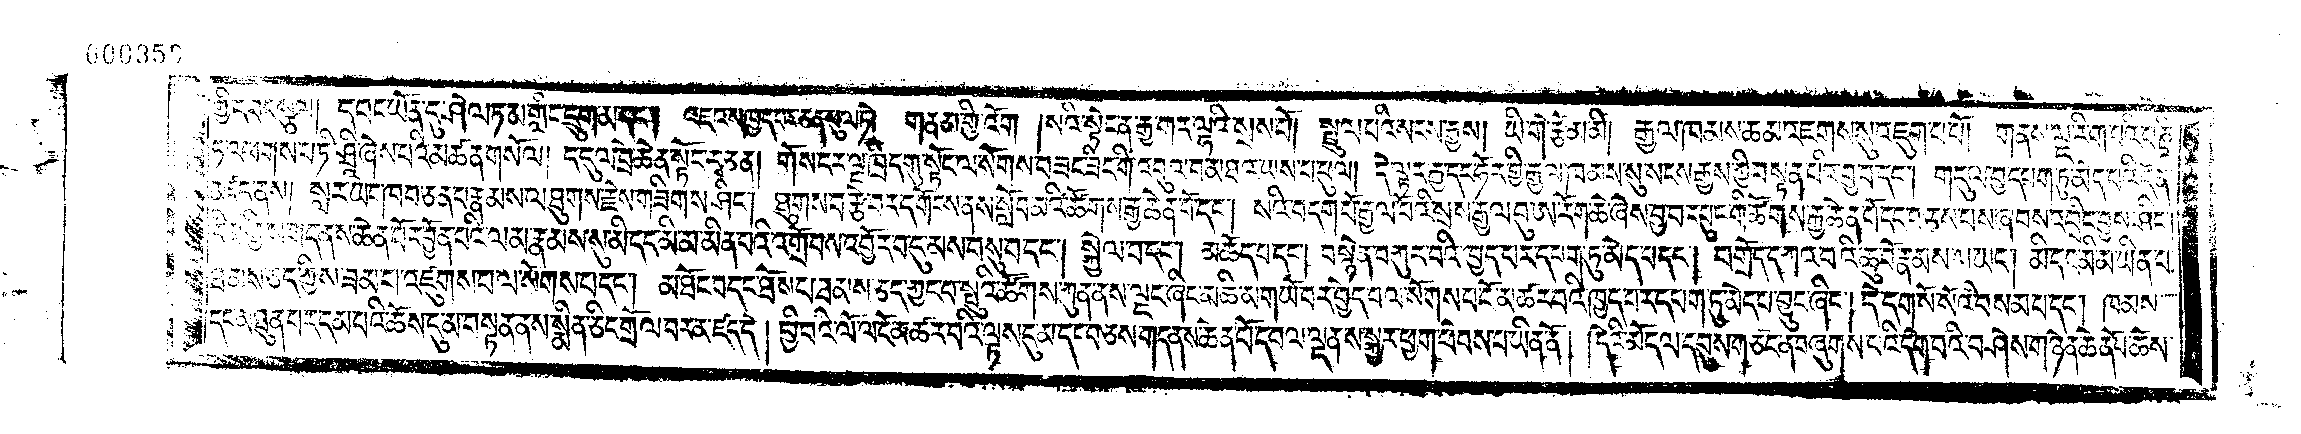གྱི་དབང་སྩལ། དབང་ཡོན་དུ་ཤེལ་ཏམ་གླིང་དྲུག་མ་དང་། འཇའ་ས་ཁྱད་པར་ཅན་ཕུལ་ཏེ། གནམ་གྱི་འོག །སའི་སྟེན་གན་རྒྱ་གར་ལྷའི་སྲས་པོ། སྤྲུལ་བའི་སངས་རྒྱས། ཡི་གེ་རྩོམ་མི། རྒྱལ་ཁམས་ཆམ་འཇགས་སུ་འཇུག་པ་པོ། གནས་ལྔ་རིག་པའི་པཎྜི་
ཏ་འཕགས་པ་ཏི་ཤྲཱི་ཞེས་པའི་མཚན་གསོལ། དངུལ་བྲེ་ཆེན་སྟོང་རྭ་ཅན། གོས་དར་ལྔ་ཁྲི་དགུ་སྟོང་ལ་སོགས་པ་ཟང་ཟིང་གི་འབུལ་པ་མཐའ་ཡས་པ་ཕུལ། དེ་ལྟར་རྒྱ་དང་ཧོར་གྱི་རྒྱལ་ཁམས་སུ་སངས་རྒྱས་ཀྱི་བསྟན་པའི་བྱ་བ་དང་། གདུལ་བྱ་དཔག་ཏུ་མེད་པའི་དོན་
མཛད་ནས། སླར་ཡང་ཁབ་ཅན་པ་རྣམས་ལ་ཐུགས་རྗེས་གཟིགས་ཤིང་། ཐུགས་བརྩེ་བར་དགོངས་ནས་སློབ་མའི་ཚོགས་རྒྱ་ཆེན་པོ་དང་། སའི་བདག་པོ་རྒྱལ་པོའི་སྲས་རྒྱལ་བུ་ཨ་རོག་ཆེ་ཞེས་བྱ་བ་དཔུང་གི་ཚོགས་རྒྱ་ཆེན་པོ་དང་བཅས་པས་ཞབས་འབྲིང་བྱས་ཤིང་།
རིམ་གྱིས་གདན་ས་ཆེན་པོར་བྱོན་པའི་ལམ་རྣམས་སུ་མི་དང་མི་མ་ཡིན་པའི་འགྲོ་བས་འབྱོར་བ་དུ་མས་བསུ་བ་དང་། སྐྱེལ་བ་དང་། མཆོད་པ་དང་། བསྙེན་བཀུར་བའི་ཁྱད་པར་དཔག་ཏུ་མེད་པ་དང་། བགྲོད་དཀའ་བའི་ཆུ་བོ་རྣམས་ལ་ཡང་། མི་དང་མི་མ་ཡིན་པ་
ཐམས་ཅད་ཀྱིས་ཟམ་པ་འཛུགས་པ་ལ་སོགས་པ་དང་། མཐོང་བ་དང་ཐོས་པ་ཐམས་ཅད་ཀྱང་བ་སྤུའི་ཚོགས་ཀུན་ནས་ལྔང་ཞིང་མཆིམ་གཡོག་བར་བྱེད་པ་ལ་སོགས་པ་ངོ་མཚར་བའི་ཁྱད་པར་དཔག་ཏུ་མེད་པ་བྱུང་ཞིང་། དེ་དག་སོ་སོའི་བསམ་པ་དང་། ཁམས་
དང་མཐུན་པར་དམ་པའི་ཆོས་དུ་མ་བསྟན་ནས་སྨིན་ཅིང་གྲོལ་བར་མཛད་དེ། བྱི་བའི་ལོ་ལ་ངོ་མཚར་བའི་ལྟས་དུ་མ་དང་བཅས་གདན་ས་ཆེན་པོ་དཔལ་ལྡན་ས་སྐྱར་ཕྱག་ཕེབས་པ་ཡིན་ནོ། །དེའི་མོད་ལ་དབུས་གཙང་ན་བཞུགས་པའི་དགེ་བའི་བཤེས་གཉེན་ཆེན་པོ་ཆོས་